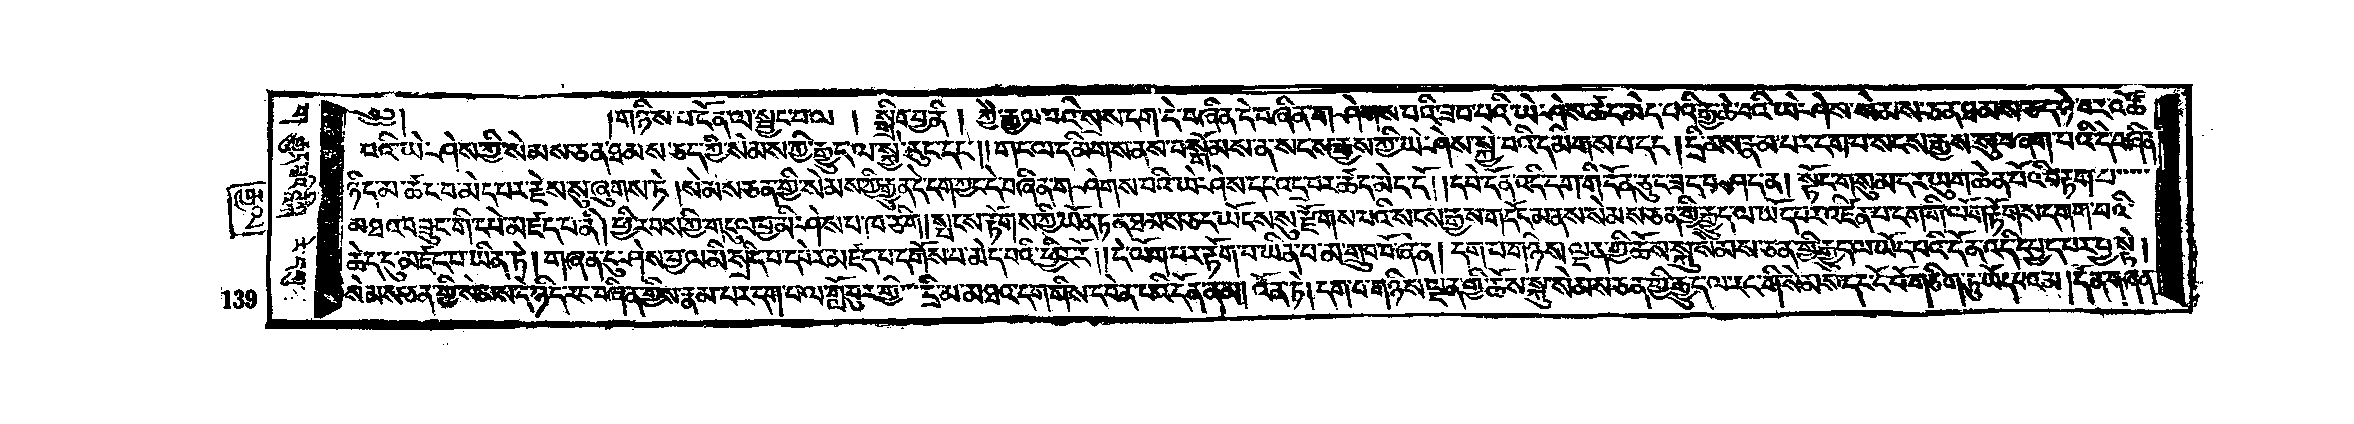༄༅། །གཉིས་པ་དོན་ལ་སྦྱང་བ་ལ། སྒྲིབ་བྱ་ནི། ཀྱཻ་རྒྱལ་བའི་སྲས་དག་དེ་བཞིན་དེ་བཞིན་གཤེགས་པའི་ཟབ་པའི་ཡེ་ཤེས་ཚད་མེད་པའི་རྒྱ་ཆེ་བའི་ཡེ་ཤེས་སེམས་ཅན་ཐམས་ཅད་ཉེ་བར་འཚོ་
བའི་ཡེ་ཤེས་ཀྱི་སེམས་ཅན་ཐམས་ཅད་ཀྱི་སེམས་ཀྱི་རྒྱུད་ལ་སྐྱེ་རུང་དང་། །གང་ལ་དམིགས་ནས་བསྒོམས་ན་སངས་རྒྱས་ཀྱི་ཡེ་ཤེས་སྐྱེ་བའི་དམིགས་པ་དང་། དྲི་མས་རྣམ་པར་དག་པ་སངས་རྒྱས་སུ་བཞག་པའི་དེ་བཞིན་
ཉིད་མ་ཚང་བ་མེད་པར་རྗེས་སུ་ཞུགས་ཏེ། སེམས་ཅན་གྱི་སེམས་ཀྱི་རྒྱུན་དེ་དག་ཀྱང་དེ་བཞིན་གཤེགས་པའི་ཡེ་ཤེས་དང་འདྲ་བར་ཚད་མེད་དོ། །དཔེ་དོན་འདི་དག་གི་དོན་ཅུང་ཟད་བཤད་ན། སྟོང་གསུམ་དར་ཡུག་ཆེན་པོའི་བརྟག་པ་
མཐའ་བཟུང་གི་དཔེ་མཛད་པ་ནི། ཕྱི་རབས་ཀྱི་གདུལ་བྱ་མི་ཤེས་པ་ཁ་ཅིག །སྤངས་རྟོགས་ཀྱི་ཡོན་ཏན་ཐམས་ཅད་ཡོངས་སུ་རྫོགས་པའི་སངས་རྒྱས་གདོད་མ་ནས་སེམས་ཅན་གྱི་རྒྱུད་ལ་ཡོད་པར་འཛིན་པ་དག་གི་ལོག་རྟོགས་དགག་པའི་
ཆེད་དུ་མཛད་པ་ཡིན་ཏེ། གཞན་དུ་ཤེས་བྱ་ལ་མི་སྲིད་པ་དཔེར་མཛད་པ་དགོས་པ་མེད་པའི་ཕྱིར་རོ། །དེ་ལོག་པར་རྟོག་པ་ཡིན་པ་མ་གྲུབ་བོ་ཞེ་ན། དག་པ་གཉིས་ལྡན་གྱི་ཆོས་སྐུ་སེམས་ཅན་གྱི་རྒྱུད་ལ་ཡོད་པའི་དོན་འདི་དཔྱད་པར་བྱ་སྟེ།
སེམས་ཅན་གྱི་སེམས་དེ་ཉིད་རང་བཞིན་གྱིས་རྣམ་པར་དག་པ་ལ་གློ་བུར་གྱི་དྲི་མ་མཐའ་དག་གིས་དབེན་པའི་དོན་ནམ། འོན་ཏེ། དག་པ་གཉིས་ལྡན་གྱི་ཆོས་སྐུ་སེམས་ཅན་གྱི་རྒྱུད་ལ་རང་གི་སེམས་ཅན་དང་ངོ་བོ་གཅིག་ཏུ་ཡོད་པའམ། དོན་གཞན་